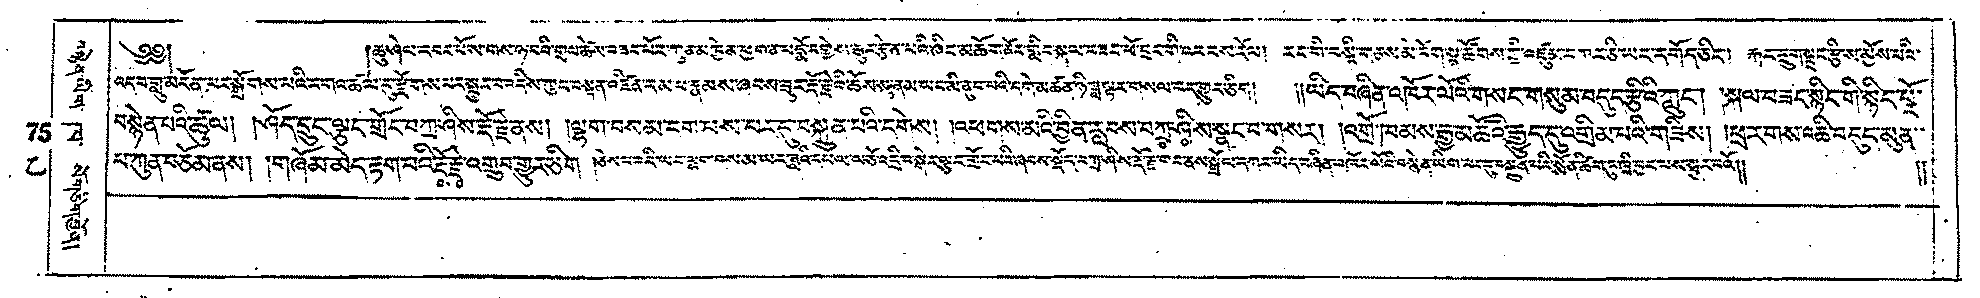༄༅། །ཆུ་ཤེལ་དབང་པོ་ས་གས་ཉ་བའི་གྲལ་ཚེས་བཟང་པོར་ཀུན་མཁྱེན་ཕྱག་ན་པདམོ་དགྱེས་རྒུར་རྩེན་པའི་ཞིང་མཆོག་ནོར་གླིང་སྐལ་བཟང་ཕོ་བྲང་གི་འདབས་རོལ། རང་གི་བསྟི་གནས་མེ་ཏོག་སྣ་ཚོགས་ཀྱི་འཛུམ་དཀར་ཅི་ཡང་དགོད་ཅིང་། རྐང་དྲུག་སྦྲང་རྩིས་མྱོས་པའི་
འདབ་གླུ་མངོན་པར་སྒྲོགས་པའི་དགའ་ཚལ་དུ་རྫོགས་པར་སྦྱར་བ་འདིས་ཀྱང་བསྟན་འཛིན་དམ་པ་རྣམས་ཞབས་ཟུང་རྡོ་རྗེའི་ཆོས་སུ་ནམ་ཡང་མི་ནུབ་པའི་དགེ་མཚན་ཉི་ཟླ་ལྟར་གསལ་བར་གྱུར་ཅིག། །།ཡིད་བཞིན་འཁོར་ལོའི་གསང་གསུམ་བདུད་རྩིའི་ཀླུང་། །སྐལ་བཟང་སྙིང་གི་སྙིང་པོར་
བསྙེན་པའི་ཚུལ། །ཤོད་དྲུང་ལྕང་གྲོང་བཀྲ་ཤིས་རྡོ་རྗེ་ནས། །ལྷག་བསམ་དག་པས་པར་དུ་བསྐྲུན་པའི་དགེས། །འཕགས་མའི་བྱིན་རླབས་བཀྲ྾་ཤིས྾་སྣང་བ་གསར། །འགྲོ་ཁམས་རྒྱ་མཚོའི་རྒྱུད་དུ་འགྲིམ་པའི་གཟིས། །ཕྲ་རགས་འཆི་བདུད་མུན་་་
པ་ཀུན་བཅོམ་ནས། །གཞོམ་མེད་རྟག་པའི་རྡོ྾་རྗེ྾་འགྲུབ་གྱུར་ཅིག་།ཅེས་པ་འདི་ཡང་ལྷག་བསམ་ཡར་ཟླའི་དཔལ་ལ་ཅོ་འདྲི་བ་སྒེར་ལྕང་གྲོང་པའི་ཞབས་སྡོད་བཀྲ་ཤིས་རྡོ་རྗེ་གང་ནས་སྒྲོལ་དཀར་ཡིད་བཞིན་འཁོར་ལོའི་བསྙེན་ཡིག་པར་དུ་བསྐྲུན་པའི་སྨོན་ཚིག་ཏུ་ཁྲི་བྱང་པས་སྦྱར་བའོ།།  །།